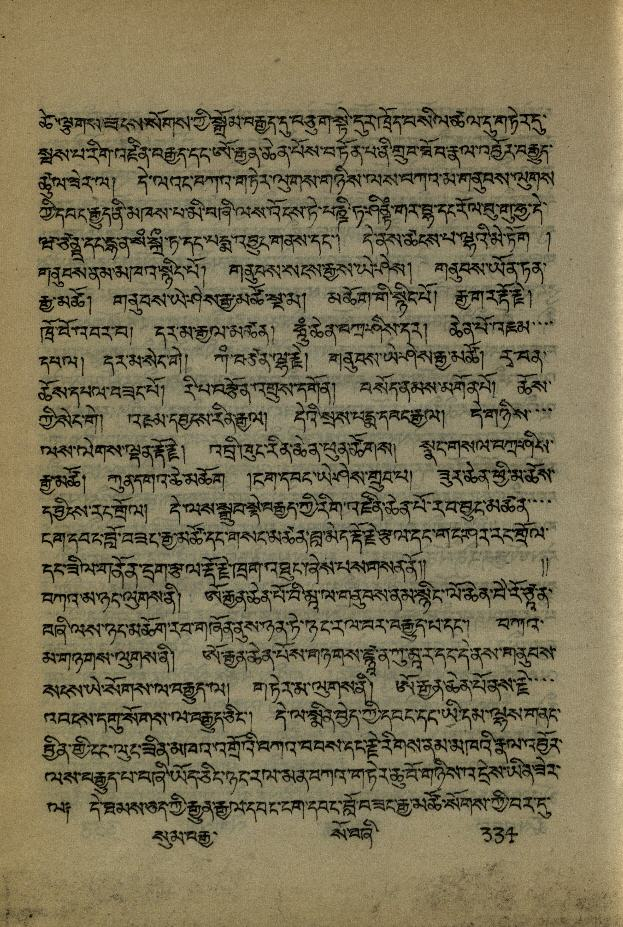ཚེ་ལྕགས་ཟངས་སོགས་ཀྱི་སྒྲོམ་བརྒྱད་དུ་བཅུག་སྟེ་དུར་ཁྲོད་བསིལ་ཚལ་དུ་གཏེར་དུ་
སྦས་པ་རིག་འཛིན་བརྒྱད་དང་ཨོ་རྒྱན་ཆེན་པོས་བཏོན་པ་ནི་གྲུབ་ཐོབ་རྣལ་འབྱོར་བརྒྱུད་
ཚུལ་ཟེར་ལ། དེ་ལའང་བཀའ་གཏེར་ལུགས་གཉིས་ལས་བཀའ་མ་གནུབས་ལུགས་
ཀྱི་དབང་རྒྱུད་ནི་མཁས་པ་མི་བཞི་ལས་འོངས་ཏེ་པཎྜི་ཏ་ཤནྟིཾ་གར་བྷ་དང་རོལ་བུ་གུ་ཧྱ་དེ་
ཝ་ཙནྡྲ་དང་དྷ་ན་སཾ་སྐྲྀ་ཏ་དང་པདམ་འབྱུང་གནས་དང་། དེ་ནས་ཚངས་པ་ལྷའི་མེ་ཏོག །
གནུབས་ནམ་མཁའ་སྙིང་པོ། གནུབས་སངས་རྒྱས་ཡེ་ཤེས། གནུབས་ཡོན་ཏན་
རྒྱ་མཚོ། གནུབས་ཡེ་ཤེས་རྒྱ་མཚོ་སྔ་མ། མཆོག་གི་སྙིང་པོ། རྒྱ་གར་རྡོ་རྗེ།
ཁྲོ་བོ་འབར་བ། དར་མ་རྒྱལ་མཚན། ཧཱུཾ་ཆེན་བཀྲ་ཤིས་དར། ཆེན་པོ་འཇམ་
དཔལ། དར་མ་སེང་གེ། ཀཾ་བཙན་ལྷ་རྗེ། གནུབས་ཡེ་ཤེས་རྒྱ་མཚོ། རྭ་བན་
ཆོས་དཔལ་བཟང་པོ། རི་པ་བརྩོན་འགྲུས་དགོན། བསོད་ནམས་མགོན་པོ། ཆོས་
ཀྱི་སེང་གེ། འཇམ་དབྱངས་རིན་རྒྱལ། དེའི་སྲས་པདམ་དབང་རྒྱལ། དེ་གཉིས་
ལས་ལེགས་ལྡན་རྡོ་རྗེ། འབྲི་ཁུང་རིན་ཆེན་ཕུན་ཚོགས། སྣང་གསལ་བཀྲ་ཤིས་
རྒྱ་མཚོ། ཀུན་དགའ་ཆེ་མཆོག །ངག་དབང་ཡེ་ཤེས་གྲུབ་པ། ཟུར་ཆེན་ཕྱི་མ་ཆོས་
དབྱིངས་རང་གྲོལ། དེ་ལས་སྒྲུབ་སྡེ་བརྒྱད་ཀྱི་རིག་འཛིན་ཆེན་པོ་རབ་བྱུང་མཚན་
ངག་དབང་བློ་བཟང་རྒྱ་མཚོ་དང་གསང་མཚན་བླ་མེད་རྡོ་རྗེ་ཙལ་དང་གང་ཤར་རང་གྲོལ་
དང་ཟིལ་གནོན་དྲག་རྩལ་རྡོ་རྗེ་ཁྲག་འཐུང་ཞེས་པས་གསན་ནོ།།
བཀའ་མ་ཉང་ལུགས་ནི། ཨོ་རྒྱན་ཆེན་པོ་བི་མཱ་ལ་གནུབས་ནམ་སྙིང་ལོ་ཆེན་བཻ་རོ་ཙཱ་ན་
བཞི་ལས་ཉང་མཆོག་རབ་གཞོན་ནུས་ཉན་ཏེ་ཉང་རལ་བར་བརྒྱུད་པ་དང་། བཀའ་
མ་གཉགས་ལུགས་ནི། ཨོ་རྒྱན་ཆེན་པོས་གཉགས་ཛྙཱ་ན་ཀུ་མཱ་ར་དང་དེ་ནས་གནུབས་
སངས་ཡེ་སོགས་ལ་བརྒྱུད་ལ། གཏེར་མ་ལུགས་ནི། ཨོ་རྒྱན་ཆེན་པོ་ནས་རྗེ་
འབངས་དགུ་སོགས་ལ་བརྒྱུད་ཅིང་། དེ་ལ་སྨིན་བྱེད་ཀྱི་དབང་དང་ཡི་དམ་ལྷས་གནང་
བྱིན་གྱི་ངང་ལུང་ཟིན་མཁའ་འགྲོའི་བཀའ་བབས་དང་རྗེ་རིགས་ནམ་མཁའི་རྣལ་འབྱོར་
ལས་བརྒྱུད་པ་བཞི་ཡོད་ཅིང་ཉང་རལ་མན་བཀའ་གཏེར་ཆུ་བོ་གཉིས་འདྲེས་ཡིན་ཟེར་
ལ༑ དེ་ཐམས་ཅད་ཀྱི་རྒྱུན་རྒྱལ་དབང་ངག་དབང་བློ་བཟང་རྒྱ་མཚོ་སོགས་ཀྱི་བར་དུ་